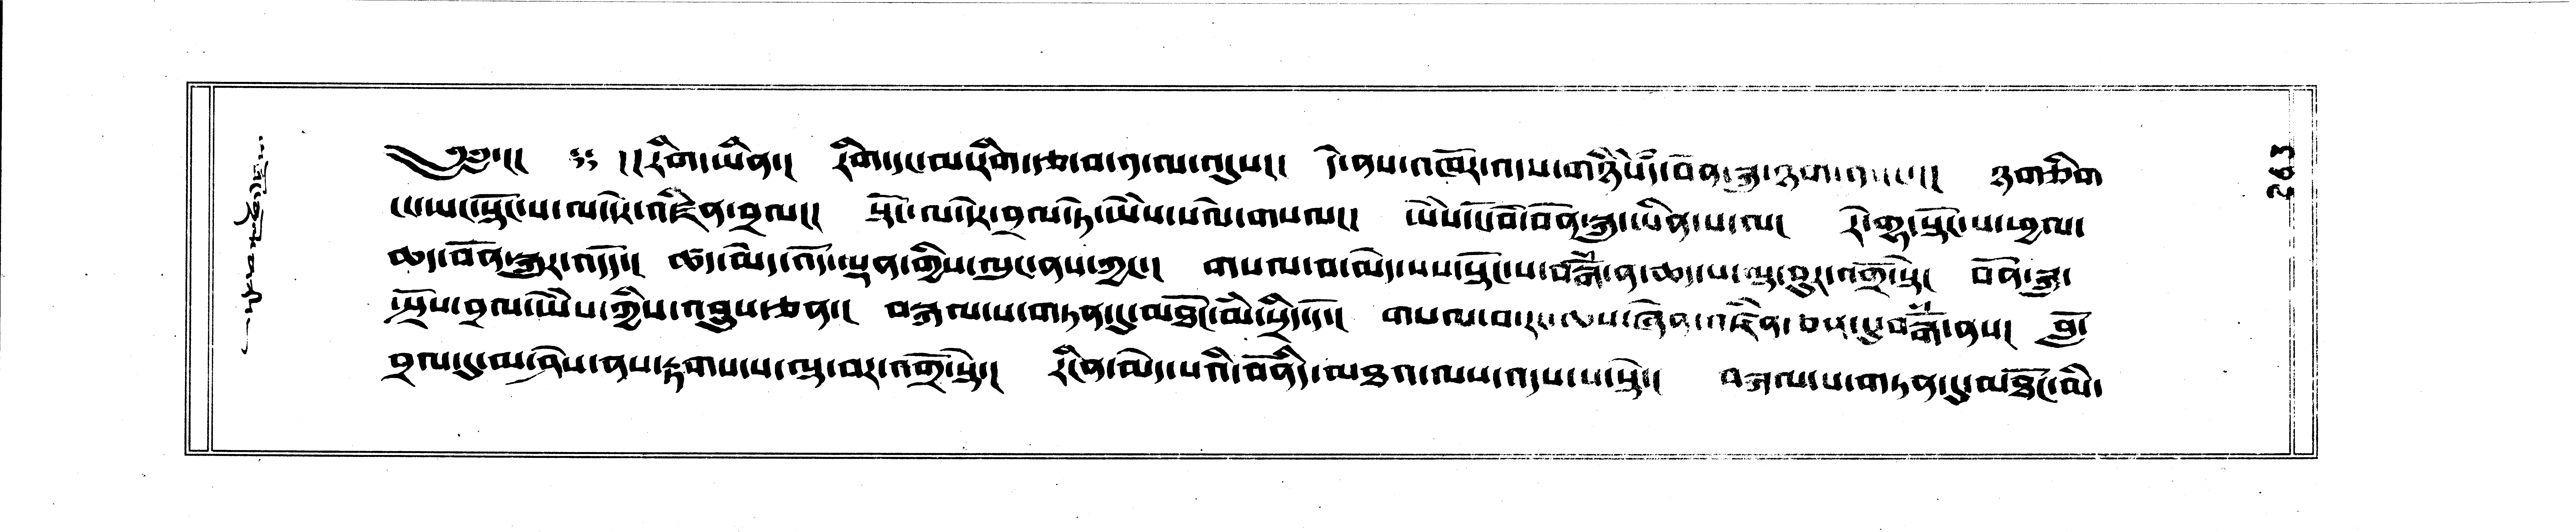རིག་ཡིན། རིག་དང་མ་རིག་རྩ་བ་གཅིག་ལས་འདུས། དེ་ནས་འཁོར་འདས་གཉིས་མེད་བོན་སྐུ་ཉག་ཅིག་ངང་། ཉག་གཅིག་
ངང་དུ་ཡང་སྟོང་པ་དེར་འཛིན་བྲལ། སྟོང་ལ་དེར་འཛིན་བྲལ་ཏེ་ཡེ་ཤེས་སལེ་གསལ། ཡེ་ཤེས་ཀྱི་ངོའོ་བོན་སྐུ་ཡིན་པ་ལ། རེས་འགས་སྟོང་པ་ཕྱལ་
ཆད་བོན་སྐུར་འདོད། ཚད་མེད་འོད་ལྡན་གྱིས་ལུང་ནས་ཀྱང་། གསལ་བ་མེད་པའི་སྟོང་པ་སྒོམ་ན་ཆད་པའི་ལྟ་བར་འགྲོ་སྟེ། བོན་སྐུ་
སྤྲོས་བྲལ་ཡེ་ཤེས་འབྲས་བུ་ཅན་དེ་སྐལ་པར་གཏན་དུ་མཐོང་མི་བསྲིད། གསལ་བ་རང་ཆས་ཞེ་འཛིན་ཅན་དུ་བྷེད་‘‘སྒོམ”ན་བློ་
བྲལ་མ་ཤེས་ན། རྟག་པའི་ལྟ་བར་འགྲོ་སྟེ། རང་བཞིན་མེད་པའི་བོན་ཉིད་མཐའ་ལས་འདས་པ་སྟེ། སྐལ་པ་གཏན་དུ་མཐོང་མི་